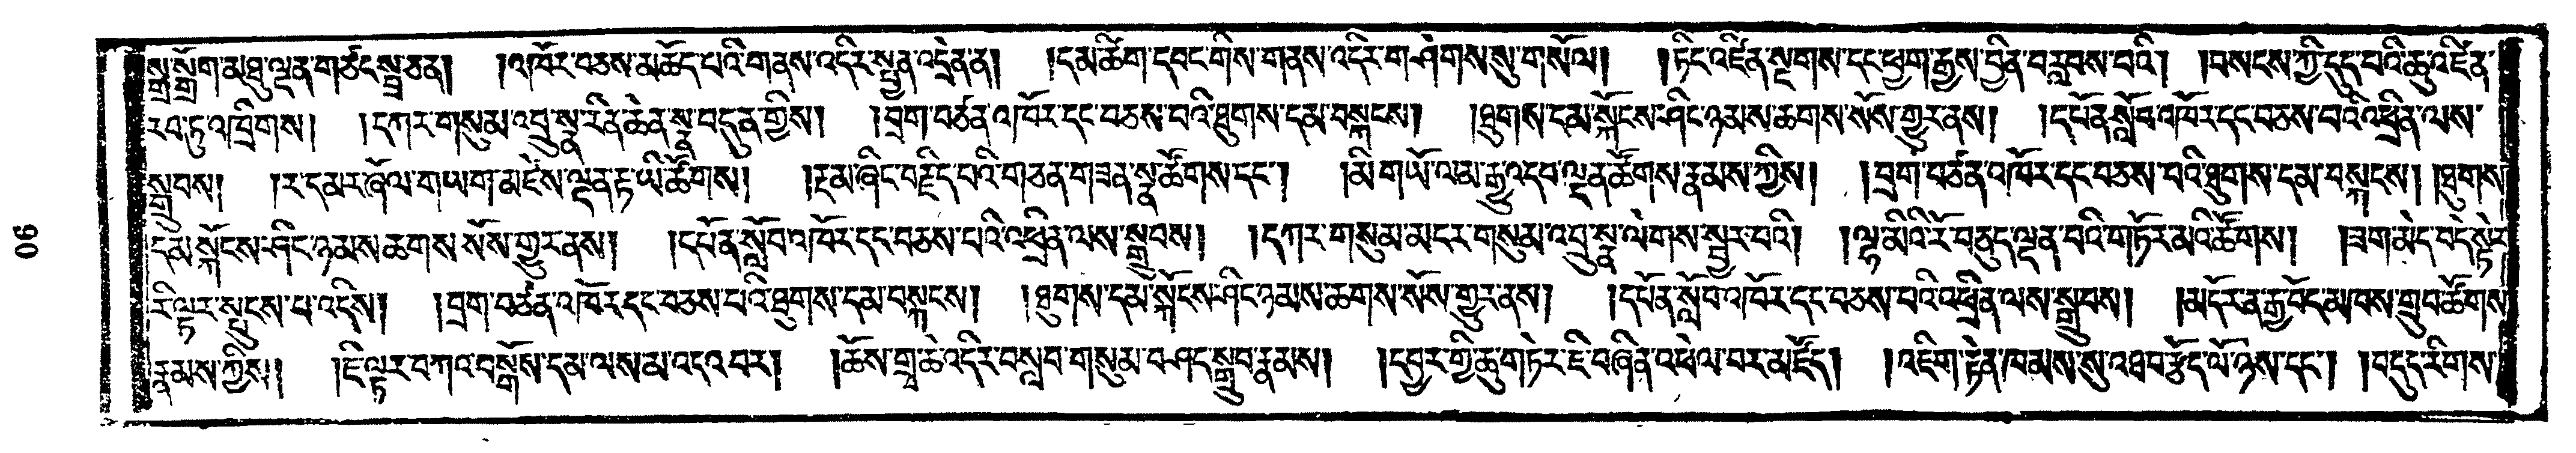སྒྲ་སྒྲོག་མཐུ་ལྡན་གཙང་སྦྲ་ཅན། །འཁོར་བཅས་མཆོད་པའི་གནས་འདིར་སྤྱན་འདྲེན་ན། །དམ་ཚིག་དབང་གིས་གནས་འདིར་གཤེགས་སུ་གསོལ། །ཏིང་འཛིན་སྔགས་དང་ཕྱག་རྒྱས་བྱིན་བརླབས་བའི། །བསངས་ཀྱི་དུད་པའི་ཆུ་འཛིན་
རབ་ཏུ་འཁྲིགས། །དཀར་གསུམ་འབྲུ་སྣ་རིན་ཆེན་སྣ་བདུན་གྱིས། །བྲག་བཙན་འཁོར་དང་བཅས་པའི་ཐུགས་དམ་བསྐངས། །ཐུགས་དམ་སྐོངས་ཤིང་ཉམས་ཆགས་སོས་གྱུར་ནས། །དཔོན་སློབ་འཁོར་དང་བཅས་པའི་འཕྲིན་ལས་
སྒྲུབས། །ར་དམར་ཞོལ་གཡག་མཛེས་ལྡན་རྟ་ཡི་ཚོགས། །རྔམ་ཞིང་བརྗིད་པའི་གཅན་གཟན་སྣ་ཚོགས་དང་། །མི་གཡོ་ལམ་རྒྱུ་འདབ་ལྡན་ཚོགས་རྣམས་ཀྱིས། །བྲག་བཙན་འཁོར་དང་བཅས་པའི་ཐུགས་དམ་བསྐངས། །ཐུགས་
དམ་སྐོངས་ཤིང་ཉམས་ཆགས་སོས་གྱུར་ནས། །དཔོན་སློབ་འཁོར་དང་བཅས་པའི་འཕྲིན་ལས་སྒྲུབས། །དཀར་གསུམ་མངར་གསུམ་འབྲུ་སྣ་ལེགས་སྦྱར་བའི། །ལྷ་མིའི་རོ་བཅུད་ལྡན་པའི་གཏོར་མའི་ཚོགས། །ཟག་མེད་བདེ་སྟེར་
རི་ལྟར་སྤུངས་པ་འདིས། །བྲག་བཙན་འཁོར་དང་བཅས་པའི་ཐུགས་དམ་བསྐངས། །ཐུགས་དམ་སྐོར་ཤིང་ཉམས་ཆོགས་སོས་གྱུར་ནས།།དཔོན་སློབ་འཁོར་དང་བཅས་པའིའཕྲིན་ལས་སྒྲུབས། །མདོར་ཨན་རྒྱ་བོད་མཁས་གྲུབ་ཚོགས་
རྣམས་ཀྱིས། །ཇི་ལྟར་བཀའ་བསྒོས་དམ་ལས་མ་འད་བར། །ཆོས་གྲྭ་ཆེ་འདིར་བསླབ་གསུམ་བཤད་སྒྲུབ་རྣམས། སྦྱར་གྱི་ཆུ་གཏེར་ཇི་བཞིན་འཕེལ་པར་མཛོད། །འཇིག་རྟེན་ཁམས་སུ་འཐབ་རྩོད་ལོ་ཉེས་དང་། །བདུན་རིགས་